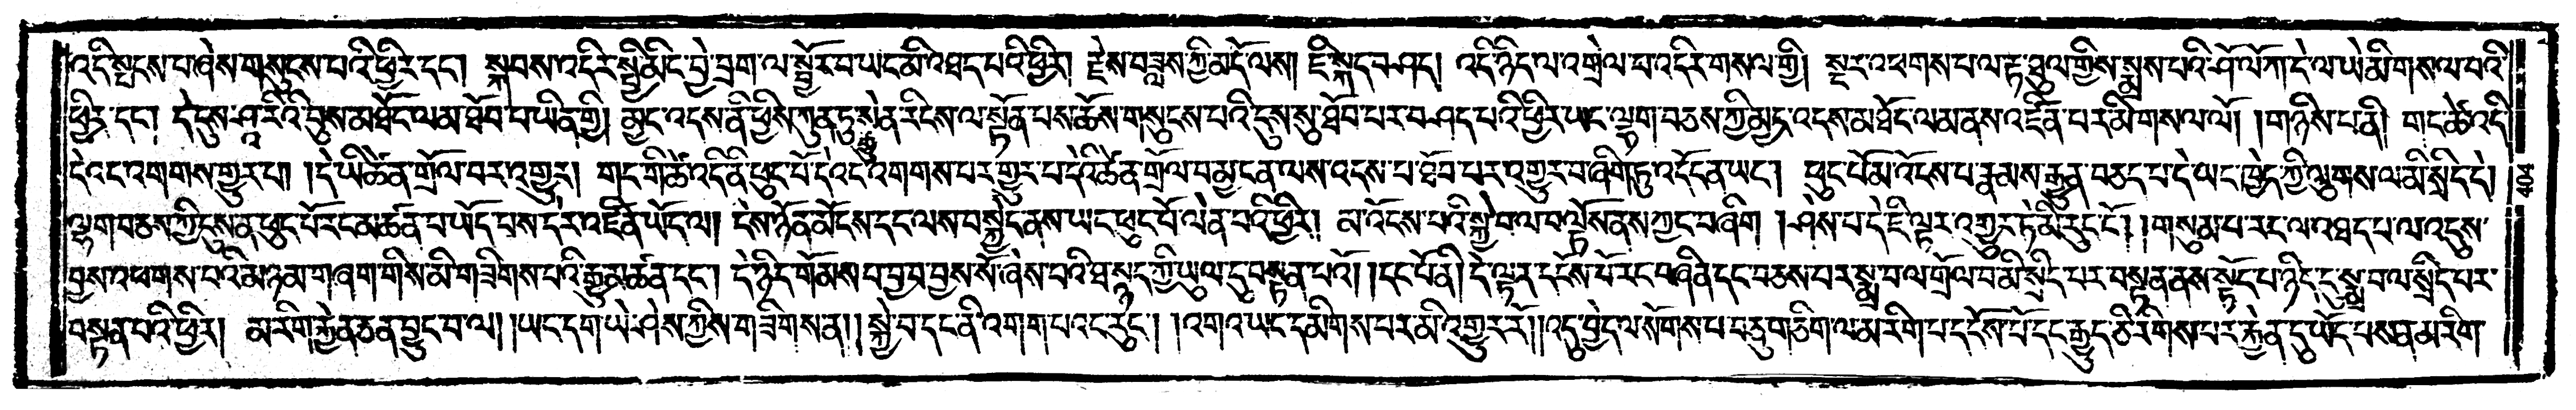འདི་སྤངས་པ་ཞེས་གསུངས་པའི་ཕྱིར་དང་། སྐབས་འདིར་སྤྱི་མིང་བྱེ་བྲག་ལ་སྦྱོར་བ་ཡང་མི་འཐད་པའི་ཕྱིར། རྗེས་བཟླས་ཀྱི་མདོ་ལས། ཇི་སྐད་བཤད། འདི་ཉིད་ལ་འགྲེལ་པ་འདིར་གསལ་གྱི། སྔར་འཕགས་པ་ལ་རྟ་ཐུལ་གྱིས་སྨྲས་པའི་ཤོ་ལོ་ཀ་དེ་ལ་ཡེ་མི་གསལ་བའི་
ཕྱིར་དང་། དེ་དུས་ཤཱ་རིའི་བུས་མཐོང་ལམ་ཐོབ་པ་ཡིན་གྱི། མྱང་འདས་ནི་ཕྱིས་ཀུན་ཏུ་རྒྱུ་སེན་རིངས་ལ་སྟོན་པས་ཆོས་གསུངས་པའི་དུས་སུ་ཐོབ་པར་བཤད་པའི་ཕྱིར་ཡང་ལྷག་བཅས་ཀྱི་མྱང་འདས་མཐོང་ལམ་ནས་འཛིན་པར་མི་གསལ་ལོ། །གཉིས་པ་ནི། གང་ཚེ་འདི་
དེའང་འགགས་གྱུར་པ། །དེ་ཡི་ཚེ་ན་གྲོལ་བར་འགྱུར། གང་གི་ཚེ་འདི་ནི་ཕུང་པོ་དེའང་འགགས་པར་གྱུར་པ་དེའི་ཚེ་ན་གྲོལ་བ་མྱ་ངན་ལས་འདས་པ་ཐོབ་པར་འགྱུར་བ་ཞིག་ཏུ་འདོད་ན་ཡང་། ཕུང་པོ་མ་འོངས་པ་རྣམས་རྒྱུན་བཅད་པ་དེ་ཡང་ཁྱེད་ཀྱི་ལུགས་ལ་མི་སྲིད་དེ།
ལྷག་བཅས་ཀྱི་དུས་ན་ཕུང་པོ་རང་མཚན་པ་ཡོད་པས་དེར་འཛིན་ཡོད་ལ། ངེས་ཉོན་མོངས་དང་ལས་བསྐྱེད་ནས་ཡང་ཕུང་པོ་ལེན་པའི་ཕྱིར། མ་འོངས་པའི་སྐྱེ་བ་ལ་བལྟོས་ནས་ཀྱང་བཞིག །ཤེས་པ་དེ་ཇི་ལྟར་འགྱུར་ཏེ་མི་རུང་ངོ། །གསུམ་པ་རང་ལ་འཐད་པ་ལ་འདུས་
བྱས་འཕགས་པའི་མཉམ་གཞག་གིས་མི་གཟིགས་པའི་རྒྱུ་མཚན་དང་། དེ་ཉིད་གོམས་པ་བྱ་བ་བྱས་སོ་ཞེས་པའི་ཐ་སྙད་ཀྱི་ཡུལ་དུ་བསྟན་པའོ། །དང་པོ་ནི། དེ་ལྟར་དངོས་པོ་རང་བཞིན་དང་བཅས་པར་སྨྲ་བ་ལ་གྲོལ་བ་མི་སྲིད་པར་བསྟན་ནས་སྟོང་པ་ཉིད་དུ་སྨྲ་བ་ལ་སྲིད་པར་
བསྟན་པའི་ཕྱིར། མ་རིག་རྐྱེན་ཅན་བྱུང་བ་ལ། །ཡང་དག་ཡེ་ཤེས་ཀྱིས་གཟིགས་ན། །སྐྱེ་བ་དང་ནི་འགག་པའང་རུང་། །འགའ་ཡང་དམིགས་པར་མི་འགྱུར་རོ། །འདུ་བྱེད་ལ་སོགས་པ་བཅུ་གཅིག་ལ་མ་རིག་པ་དངོས་པོ་དང་རྒྱུད་ཅི་རིགས་པར་རྐྱེན་དུ་ཡོད་པས་ན་མ་རིག་